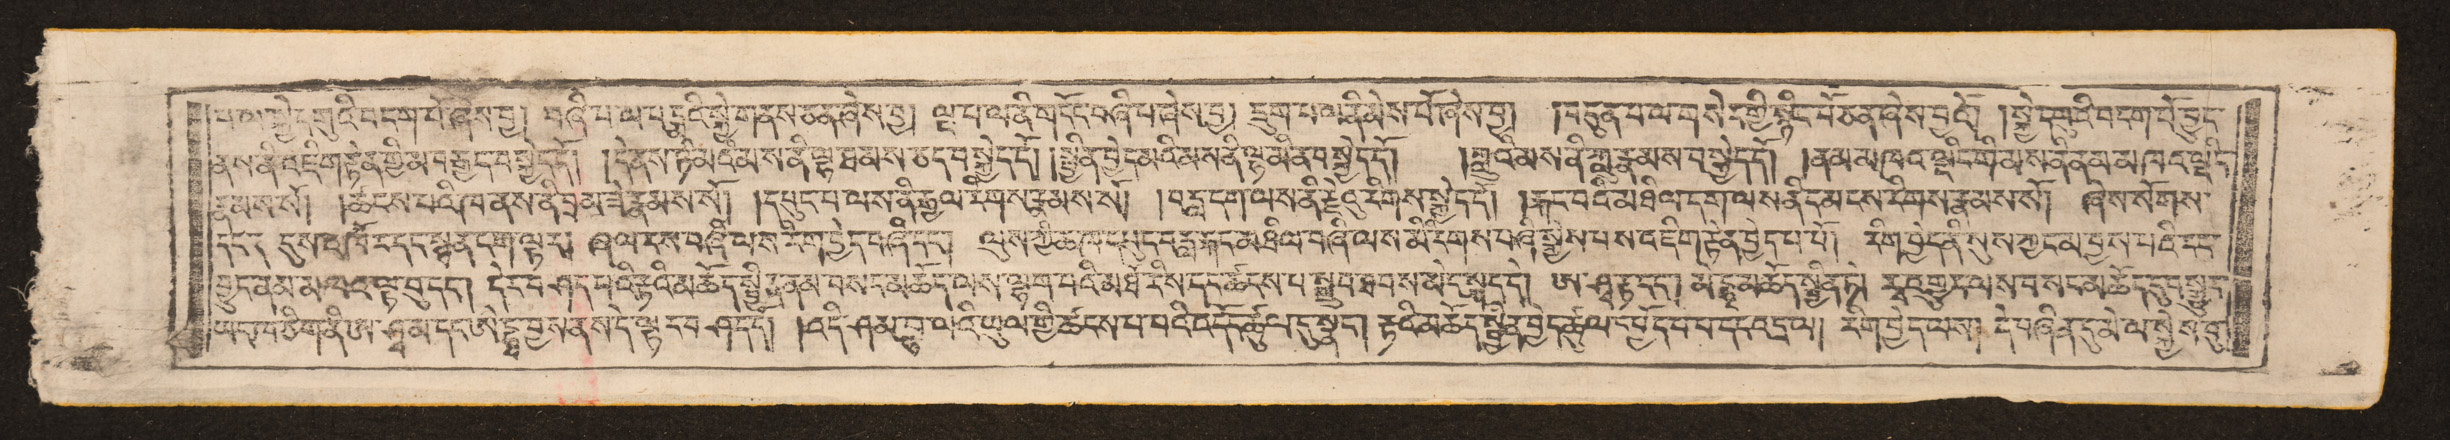པ་ལ་སྐྱེ་དགུའི་བདག་པོ་ཞེས་བྱ། བཞི་པ་ལ་པདམའི་སྐྱེ་གནས་ཅན་ཞེས་བྱ། ལྔ་པ་ལ་ནི་གདོང་བཞི་པ་ཞེས་བྱ། དྲུག་པ་ལ་ནི་མེས་པོ་ཞེས་བྱ། །བདུན་པ་ལ་གསེར་གྱི་སྙིང་པོ་ཅན་ཞེས་བྱའོ། །སྐྱེ་དགུའི་བདག་པོ་བྱུང་
ནས་ནི་འཇིག་རྟེན་གྱི་མ་བརྒྱད་བསྐྱེད་དོ། །དེ་ནས་ཉི་མའི་མས་ནི་ལྷ་ཐམས་ཅད་བསྐྱེད་དོ། །སྦྱིན་བྱེད་མའི་མས་ནི་ལྷ་མིན་བསྐྱེད་དོ། །ཀླུའི་མས་ནི་ཀླུ་རྣམས་བསྐྱེད་དོ། །ནམ་མཁའ་ལྡིང་གི་མས་ནི་ནམ་མཁའ་ལྡིང་
རྣམས་སོ། །ཚངས་པའི་ཁ་ནས་ནི་བྲམ་ཟེ་རྣམས་སོ། །དཔུང་པ་ལས་ནི་རྒྱལ་རིགས་རྣམས་སོ། །བརླ་དག་ལས་ནི་རྗེའུ་རིགས་སྐྱེད་དོ། །རྐང་བའི་མཐིལ་དག་ལས་ནི་དམངས་རིགས་རྣམས་སོ། ཞེས་སོགས་
དང༑ དུས་འཁོར་དང་སྙན་ངག་ལྟར། ཞལ་རས་བཞི་ལས་རིག་བྱེད་བཞི་དང་། ལུས་ཀྱི་ཆ་ཁ་དཔུང་བརླ་རྐང་མཐིལ་བཞི་ལས་མི་རིགས་བཞི་སྐྱེས་པས་འཇིག་རྟེན་བྱེད་པ་པོ། རིག་བྱེད་ནི་སུས་ཀྱང་མ་བྱས་པའི་རང་
བྱུང་ནམ་མཁའ་ལྟ་བུ་དང་། དེར་བཤད་པའི་རྟའི་མཆོད་སྦྱིན་ནམ་བསང་མཆོད་ལས་ལྷག་པའི་མཐོ་རིས་དང་ཚངས་པ་སྒྲུབ་ཐབས་མེད་སྐད་དེ། ཨ་ཤྭ་རྟ་དང་། མེ་དྷྭ་མཆོད་སྦྱིན་ཏེ། རྭ་འགྱུར་ལས་བསང་མཆོད་དུ་བསྒྱུར་
ཡང་ཁ་ཅིག་ནི་ཨ་ཤྭ་མ་དང་ཨེ་དྷྭ་བྱས་ནས་དེ་ལྟར་བཤད་དོ། །འདི་ཤམ་བྷ་ལའི་ཡུལ་གྱི་ཚངས་པ་པའི་འདོད་ཚུལ་དུ་སྣང་། རྟའི་མཆོད་སྦྱིན་བྱེད་ཚུལ་དཔྱོད་པ་པ་དང་འདྲ་ལ། རིག་བྱེད་ལས། དེ་བཞིན་དུ་མེ་ལ་སྐྱེས་བུ་